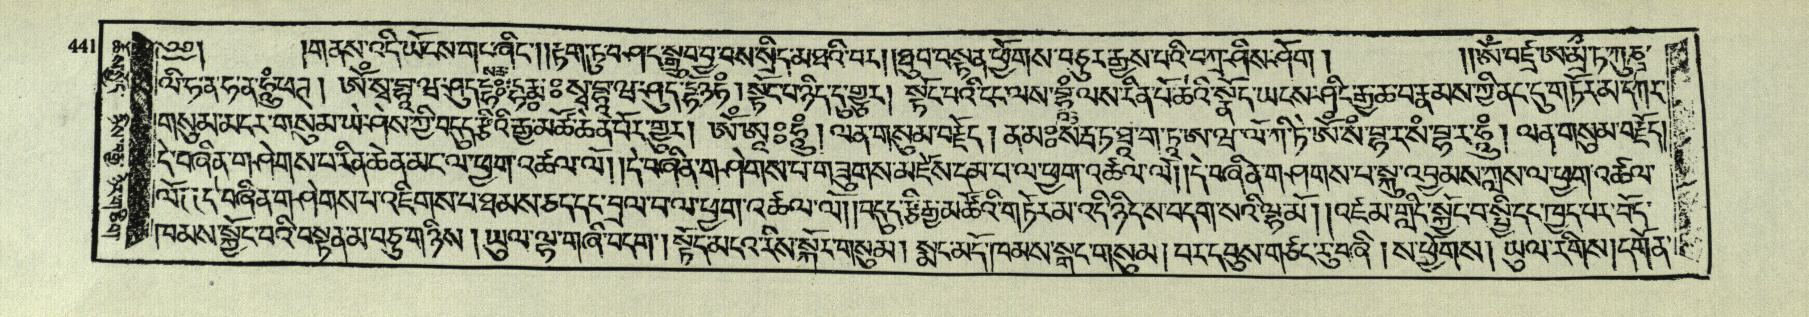༄༅། །གནས་འདི་ཡོངས་གང་ཞིང་། །རྟག་ཏུ་བཤད་སྒྲུབ་བྱ་བས་སྲིད་མཐའི་བར། །ཐུབ་བསྟན་ཕྱོགས་བཅུར་རྒྱས་པའི་བཀྲ་ཤིས་ཤོག། །།ཨོཾ་བཛྲ་ཨ་མྲྀ་ཏ་ཀུཎཌ་
ལི་ཧ་ན་ཧ་ན་ཧཱུཾ་ཕཌ། ཨོཾ་སྭ་བྷཱ་ཝ་ཤུད་དྷཿ སརྦ་དྷརྨ་༑སྭ་བྷཱ་ཝ་ཤུད་དྷོཉཧཾ། སྟོང་པ་ཉིད་དུ་གྱུར། སྟོང་པའི་ངང་ལས་བྷཱུཾ་ལས་རིན་པོ་ཆེའི་སྣོད་ཡངས་ཤིང་རྒྱ་ཆ་བ་རྣམས་ཀྱི་ནང་དུ་གཏོར་མ་དཀར་
གསུམ་མངར་གསུམ་ཡེ་ཤེས་ཀྱི་བདུད་རྩིའི་རྒྱ་མཚོ་ཆེན་པོར་གྱུར། ཨོཾ་ཨཱཿཧཱུཾ། ལན་གསུམ་བརྗོད། ན་མཿསརྦ་ཏ་ཐཱ་ག་ཏཱ་ཨ་ཝ་ལོ་ཀི་ཏེ་ཨོཾ་སཾ་བྷ་ར་སཾ་བྷ་ར་ཧཱུཾ། ལན་གསུམ་བརྗོད།
དེ་བཞིན་གཤེགས་པ་རིན་ཆེན་མང་ལ་ཕྱག་འཚལ་ལོ། །དེ་བཞིན་གཤེགས་པ་གཟུགས་མཛེས་དམ་པ་ལ་ཕྱག་འཚལ་ལོ། །དེ་བཞིན་གཤེགས་པ་སྐུ་འབྱམས་ཀླས་ལ་ཕྱག་འཚལ་
ལོ༑ ༑དེ་བཞིན་གཤེགས་པ་འཇིགས་པ་ཐམས་ཅད་དང་བྲལ་བ་ལ་ཕྱག་འཚལ་ལོ། །བདུད་རྩི་རྒྱ་མཚོའི་གཏོར་མ་འདི་ཉིད་ས་བདག་སའི་ལྷ་མོ། །འཛམ་གླིང་སྐྱོང་བ་སྤྱི་དང་ཁྱད་པར་བོད་
ཁམས་སྐྱོང་བའི་བསྟན་མ་བཅུ་གཉིས། ཡུལ་ལྷ་གཞི་བདག། སྟོད་མངའ་རིས་སྐོར་གསུམ། སྨང་མདོ་ཁམས་སྒང་གསུམ། བར་དབུས་གཙང་རུ་བཞི། ས་ཕྱོགས། ཡུལ་རིགས། དགོན་